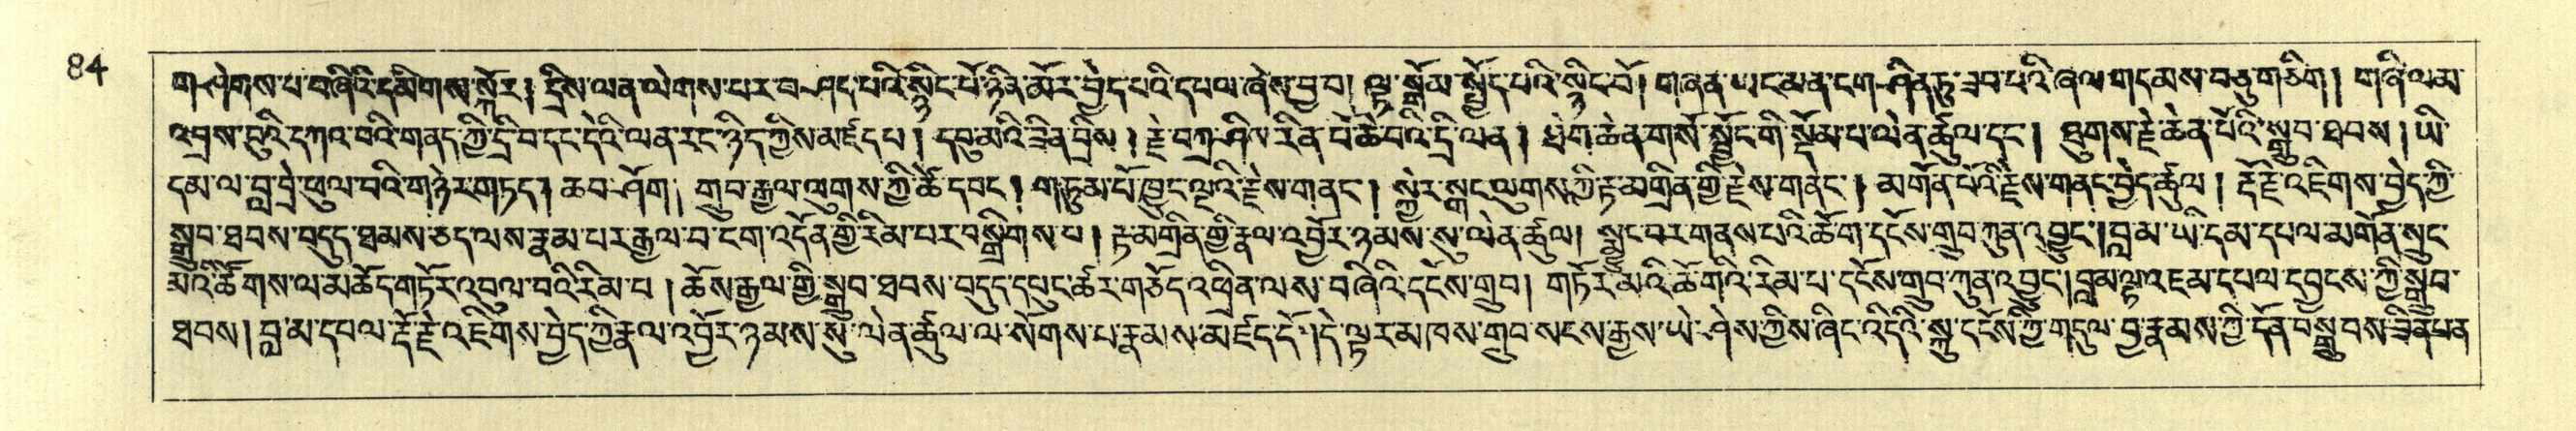གཤེགས་པ་བཞིའི་དམིགས་སྐོར། དྲིས་ལན་ལེགས་པར་བཤད་པའི་སྙིང་པོ་ཉིན་མོར་བྱེད་པའི་དཔལ་ཞེས་བྱ་བ། ལྟ་སྒོམ་སྤྱོད་པའི་སྙིང་བོ། གཞན་ཡང་མན་ངག་ཤིན་ཏུ་ཟབ་པའི་ཞལ་གདམས་བཅུ་གཅིག། གཞི་ལམ་
འབྲས་བུའི་དཀའ་བའི་གནད་ཀྱི་དྲི་བ་དང་དེའི་ལན་རང་ཉིད་ཀྱིས་མཛད་པ། དབུ་མའི་ཟིན་བྲིས། རྗེ་བཀྲ་ཤིས་རིན་པོ་ཆེ་བའི་དྲི་ལན། ཐེག་ཆེན་གསོ་སྦྱོང་གི་སྡོམ་པ་ལེན་ཚུལ་དང་། ཐུགས་རྗེ་ཆེན་པོའི་སྒྲུབ་ཐབས། ཡི་
དམ་ལ་བླ་བྲེ་ཕུལ་བའི་གཉེར་གཏད། ཆབ་ཤོག། གྲུབ་རྒྱལ་ལུགས་ཀྱི་ཚེ་དབང་། གཏུམ་པོ་ཁྱུད་ལྔའི་རྗེས་གནང་། སྐྱེར་སྒང་ལུགས་ཀྱི་རྟ་མགྲིན་གྱི་རྗེས་གནང་། མགོན་པོའི་རྗེས་གནང་བྱེད་ཚུལ། རྡོ་རྗེ་འཇིགས་བྱེད་ཀྱི་
སྒྲུབ་ཐབས་བདུད་ཐམས་ཅད་ལས་རྣམ་པར་རྒྱལ་བ་ངག་འདོན་གྱི་རིམ་པར་བསྒྲིགས་པ། རྟ་མགྲིན་གྱི་རྣལ་འབྱོར་ཉམས་སུ་ལེན་ཚུལ། སྨྱུང་བར་གནས་པའི་ཆོ་ག་དངོས་གྲུབ་ཀུན་འབྱུང་། བླ་མ་ཡི་དམ་དཔལ་མགོན་སྲུང་
མའི་ཚོགས་ལ་མཆོད་གཏོར་འབུལ་བའི་རིམ་པ། ཆོས་རྒྱལ་གྱི་སྒྲུབ་ཐབས་བདུད་དཔུང་ཚར་གཅོད་འཕྲིན་ལས་བཞིའི་དངོས་གྲུབ། གཏོར་མའི་ཆོ་གའི་རིམ་པ་དངོས་གྲུབ་ཀུན་འབྱུང་། བླ་མ་ལྷ་འཇམ་དཔལ་དབྱངས་ཀྱི་སྒྲུབ་
ཐབས། བླ་མ་དཔལ་རྡོ་རྗེ་འཇིགས་བྱེད་ཀྱི་རྣལ་འབྱོར་ཉམས་སུ་ལེན་ཚུལ་ལ་སོགས་པ་རྣམས་མཛད་དོ། དེ་ལྟར་མཁས་གྲུབ་སངས་རྒྱས་ཡེ་ཤེས་ཀྱིས་ཞིང་འདིའི་སྐུ་དངོས་ཀྱི་གདུལ་བྱ་རྣམས་ཀྱི་དོན་བསྒྲུབས་ཟིན་པ་ན་